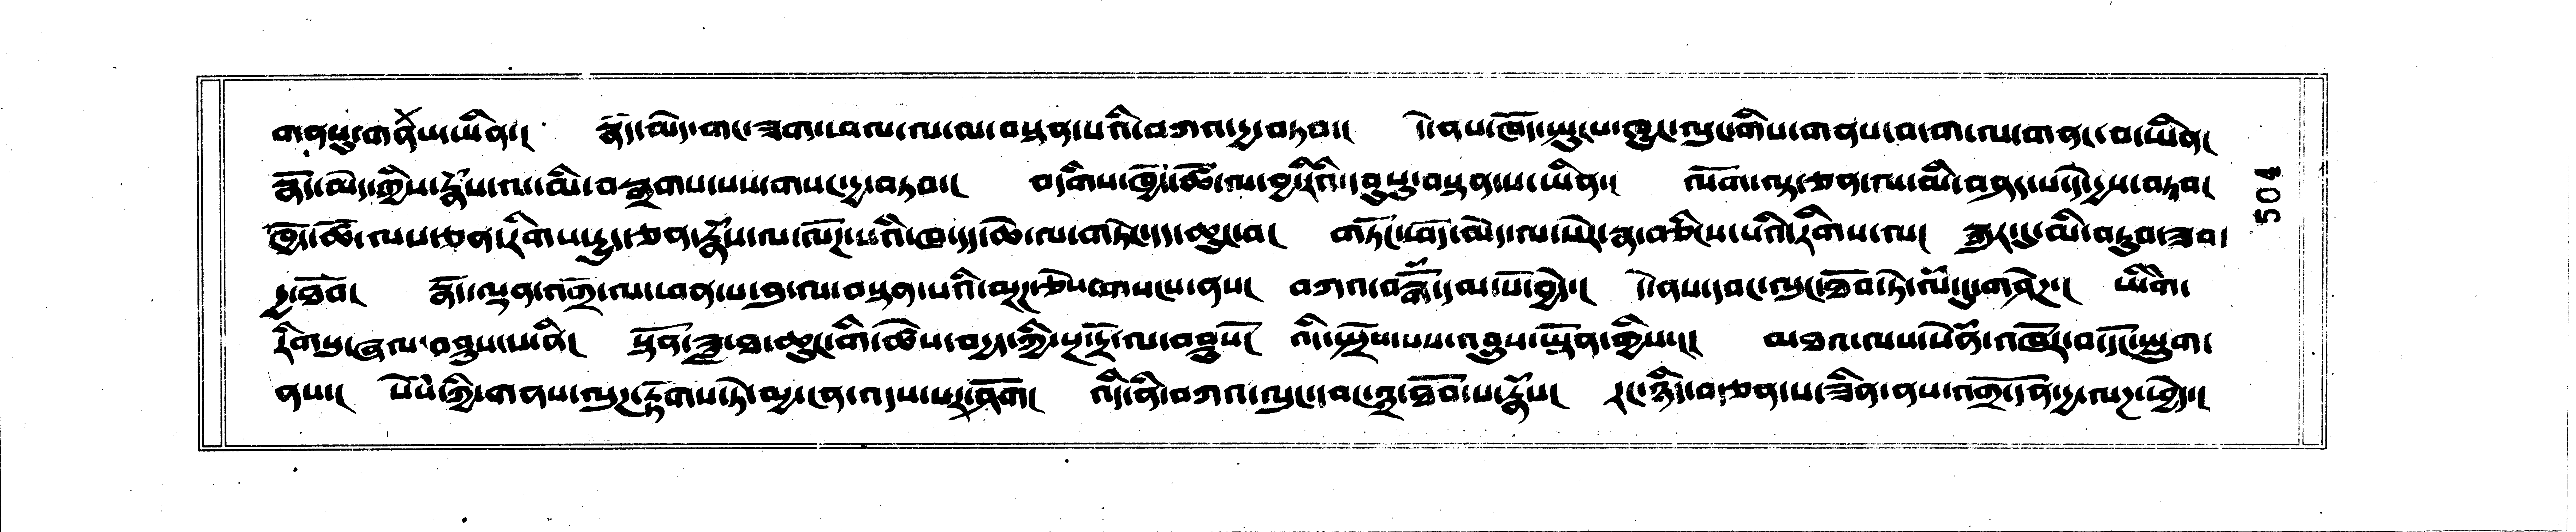གནས་སུ་གནང་བ་ཡིན། གང་ཟག་ཕལ་ལ་མི་བསྟན་པའི་བཀའ་རྒྱ་བཏབ། དེ་ནས་ཁོད་སྤུངས་སདྲན་པ་ནམ་མཁའི་༼མཁས༽། ཁྱུང་ལུང་དངུལ་མཁར་གྱིས་གནས་སུ་བདག་ལ་གནང་བ་ཡིན།
 སྣོད་མེད་རྣམས་ལ་མི་བསྒྲགས་པའི་གསང་རྒྱ་བཏབ། བདག་གིས་ཁྱེད་ཚོ་ལ་བྱ་རིའི་དབུས་སུ་བསྟན་པ་ཡིན། ལོག་ལྟ་ཅན་ལ་མི་བཤད་པའི་དམ་རྒྱ་འདེབས། 
ཁྱེད་ཚོས་ལས་ཅན་རིག་རྒྱུད་ཅན་རྣམས་མ་ལགས་པའི། ཁ་དེད་ཆེ་ལ་གདིང་དད་ཆུང་བ། གཏོང་ཕོད་མེད་ལ་སེར་སྣས་བཅིང་པའི་རིག་ལ། བསྐུར་དུ་མི་བཏུབ་ཟབ་
རྒྱ་ཐོབ། སྣོད་ལྡན་འགྲོ་ལ་ཕན་པའི་བུ་ལ་བསྟན་པའི་མེན་ངག་གཅེས། གསུངས་ནས། བཀའ་བསྒོ་དམ་པོ་མཛད། དེ་ནས་དབང་ལུང་ཐོབ་སྟེ་མལ་དུ་གཤེགས། ཡི་གེ་
རིགས་༼རིས༽སུ་ཞལ་བཤུས་པ་ནི། སྟོན་ཟླ་ཐ་ཆུང་གིས་ཚེས་བརྒྱད་ཀྱིས་སྔ་དྲོ་ལ་བཤུས་སོ། འདི་སྤྲོས་པའི་འབྲས་བུ་ཡོན་ཏན་གྱིས། མཐའ་ཡས་སེམས་ཅན་འཁོར་བ་དོང་སྤྲུགས་
ནས། སེམས་ཀྱིས་གནས་ལུགས་རྟོགས་མེད་མྱ་ངན་ལ་འདས་པར་ཤོག འདིའི་བཀའ་ལུང་དབང་གསུམ་གང་ཐོབ་རྣམས། རང་ཉིད་བཙན་ས་ཟིན་ནས་འགྲོ་དོན་རྒྱ་ལེགས་༼ལག༽ཕྱེད་